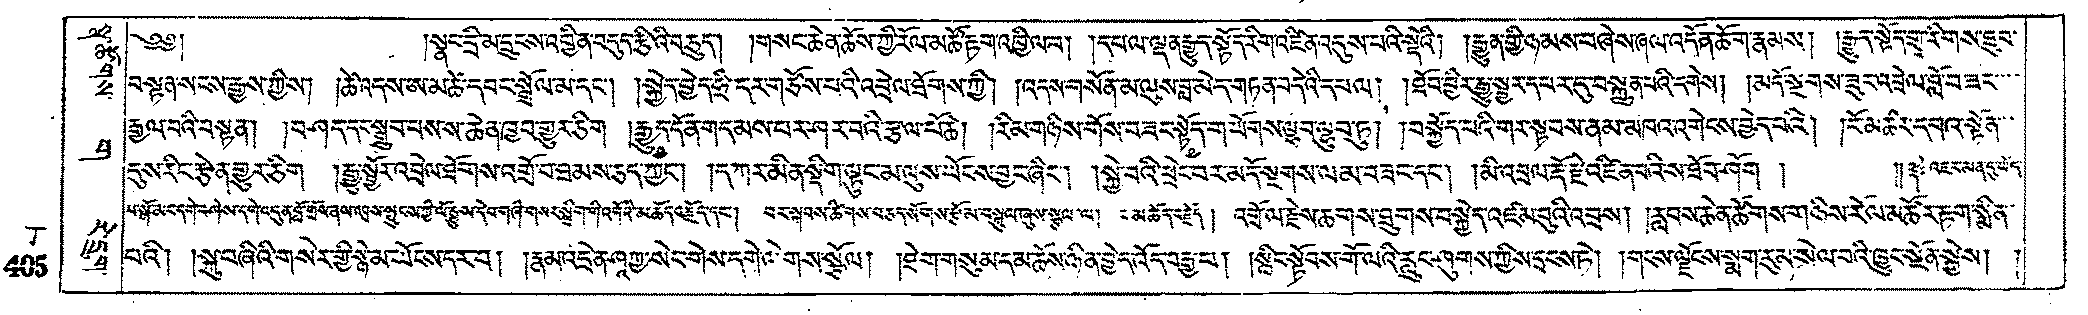༄༅། །སྣང་དྲི་མ་དྲུངས་འབྱིན་བདུད་རྩིའི་བཅུད། །གསང་ཆེན་ཆོས་ཀྱི་རོལ་མཚོ་རྟག་འཁྱིལ་བ། །དཔལ་ལྡན་རྒྱུད་སྟོད་རིག་འཛིན་འདུས་པའི་སྡེའི། །རྒྱུན་གྱི་ཉམས་བཞེས་ཞལ་འདོན་ཆོ་ག་རྣམས། །རྒྱུད་སྟོད་གྲྭ་རིགས་ཐུབ་
བསྟན་སངས་རྒྱས་ཀྱིས། །ཚེ་འདས་ཨ་མ་ཚེ་དབང་སྒྲོལ་མ་དང་། །སྐྱེད་བྱེད་ཧྲི་དར་གཙོས་པའི་འབྲེལ་ཐོགས་ཀྱི། །འདས་གསོན་མ་ལུས་བླ་མེད་གཏན་བདེའི་དཔལ། །ཐོབ་ཕྱིར་རྒྱུ་སྦྱར་དཔར་དུ་བསྐྲུན་པའི་དགེས། །མདོ་སྔགས་ཟུང་འབྲེལ་བློ་བཟང་་་
རྒྱལ་བའི་བསྟན། །བཤད་དང་སྒྲུབ་པས་ས་ཆེན་ཁྱབ་གྱུར་ཅིག །རྒྱུད་དོན་གདམས་པར་ཤར་བའི་རྩལ་པོ་ཆེ། །རིམ་གཉིས་གོས་བཟང་སྟོད་གཡོགས་ལྷབ་ལྷུབ་ཏུ། །བསྐྱོད་པའི་གར་སྟབས་ནམ་མཁའ་འགེངས་བྱེད་པའི། །ངོ་མཚར་དགའ་སྟོན་་་
དུས་རིང་རྩེན་གྱུར་ཅིག །རྒྱུ་སྦྱོར་འབྲེལ་ཐོགས་འགྲོ་བ་ཐམས་ཅད་ཀྱང་། །དཀར་མིན་སྡིག་ལྟུང་མ་ལུས་ཡོངས་བྱང་ཞིང་། །སྐྱེ་བའི་ཕྲེང་བར་མདོ་སྔགས་ལམ་བཟང་དང་། །མི་འབྲལ་རྡོ་རྗེ་འཛིན་པའི་ས་ཐོབ་ཤོག ། །།འ་འཇར་མན་དུ་ཡོད་
པ་སྒོ་མང་དགེ་བཤེས་དགེ་འདུན་བློ་གྲོས་ནས་འབྲས་སྤུངས་ཀྱི་ལོ་རྒྱུས་དེབ་གཞི་གསར་སྒྲིག་གི་འགོའི་མཆོད་བརྗོད་དང་། བར་སྐབས་ཚིགས་བཅད་སོགས་རྩོམ་བསྐུལ་ཞུས་སྩལ་ལ། ༧མཆོད་བརྗོད། འགྲོ་ལ་རྗེས་ཆགས་ཐུགས་བསྐྱེད་འཛམ་བུའི་འབྲས། །རླབས་ཆེན་ཚོགས་གཉིས་རོལ་མཚོར་རྟག་སྨིན་
པའི། །སྐུ་བཞིའི་གསེར་གྱི་སྙེ་མ་ཡོངས་དར་བ། །རྣམ་འདྲེན་ཤཱཀྱ་སེང་གེས་དགེ་ལེགས་སྩོལ། །ཐེག་གསུམ་དམ་ཆོས་ཉིན་བྱེད་འོད་བརྒྱ་པ། །སྙིང་སྟོབས་གོ་ལའི་རླུང་ཤུགས་ཀྱིས་དྲངས་ཏེ། །གངས་ལྗོངས་སྨག་རུམ་སེལ་བའི་ཁྱུང་སྔོན་སྐྱེས། །